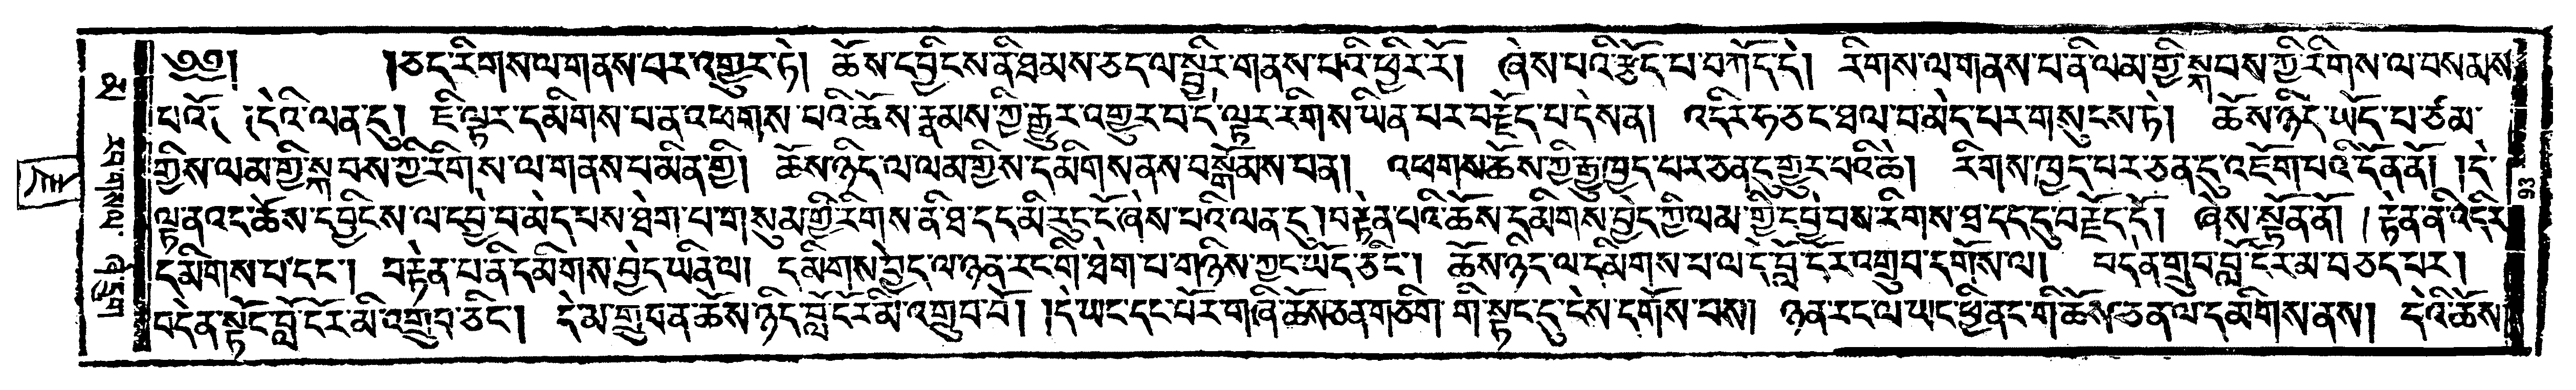༄༅། །ཅད་རིགས་ལ་གནས་པར་འགྱུར་ཏེ། ཆོས་དབྱིངས་ནི་ཐམས་ཅད་ལ་སྤྱིར་གནས་པའི་ཕྱིར་རོ། ཞེས་པའི་རྩོད་པ་བཀོད་དེ། རིགས་ལ་གནས་པ་ནི་ལམ་གྱི་སྐབས་ཀྱི་རིགས་ལ་བསམས་
པའོ༑ ༑དེའི་ལན་དུ། ཇི་ལྟར་དམིགས་པ་ན་འཕགས་པའི་ཆོས་རྣམས་ཀྱི་རྒྱུར་འགྱུར་བ་དེ་ལྟར་རིགས་ཡིན་པར་བརྗོད་པ་དེས་ན། འདིར་ཧ་ཅང་ཐལ་བ་མེད་པར་གསུངས་ཏེ། ཆོས་ཉིད་ཡོད་པ་ཙམ་
གྱིས་ལམ་གྱི་སྐབས་ཀྱི་རིགས་ལ་གནས་པ་མིན་གྱི། ཆོས་ཉིད་ལ་ལམ་གྱིས་དམིགས་ནས་བསྒོམས་པ་ན། འཕགས་ཆོས་ཀྱི་རྒྱུ་ཁྱད་པར་ཅན་དུ་གྱུར་པའི་ཚེ། རིགས་ཁྱད་པར་ཅན་དུ་འཇོག་པའི་དོན་ནོ། །དེ་
ལྟ་ནའང་ཆོས་དབྱིངས་ལ་དབྱེ་བ་མེད་པས་ཐེག་པ་གསུམ་གྱི་རིགས་ནི་ཐ་དད་མི་རུང་ངོ་ཞེས་པའི་ལན་དུ། བརྟན་པའི་ཆོས་དམིགས་བྱེད་ཀྱི་ལམ་གྱི་དབྱེ་བས་རིགས་ཐ་དད་དུ་བརྗོད་དོ། །ཞེས་སྟོན་ནོ། །རྟེན་ནི་འདིར་
དམིགས་པ་དང་། བརྟེན་པ་ནི་དམིགས་བྱེད་ཡིན་ལ། དམིགས་བྱེད་ལ་ཉན་རང་གི་ཐེག་པ་གཉིས་ཀྱང་ཡོད་ཅིང་། ཆོས་ཉིད་ལ་དམིགས་པ་ལ་དེ་བློ་ངོར་འགྲུབ་དགོས་ལ། བདེན་གྲུབ་བློ་ངོར་མ་བཅད་པར།
བདེན་སྟོང་བློ་ངོར་མི་འགྲུབ་ཅིང་། དེ་མ་གྲུབ་ན་ཆོས་ཉིད་བློ་ངོར་མི་འགྲུབ་བོ། །དེ་ཡང་དང་པོར་གཞི་ཆོས་ཅན་གཅིག་གི་སྟེང་དུ་ངེས་དགོས་པས། ཉན་རང་ལ་ཡང་ཕྱི་ནང་གི་ཆོས་ཅན་ལ་དམིགས་ནས། དེའི་ཆོས་